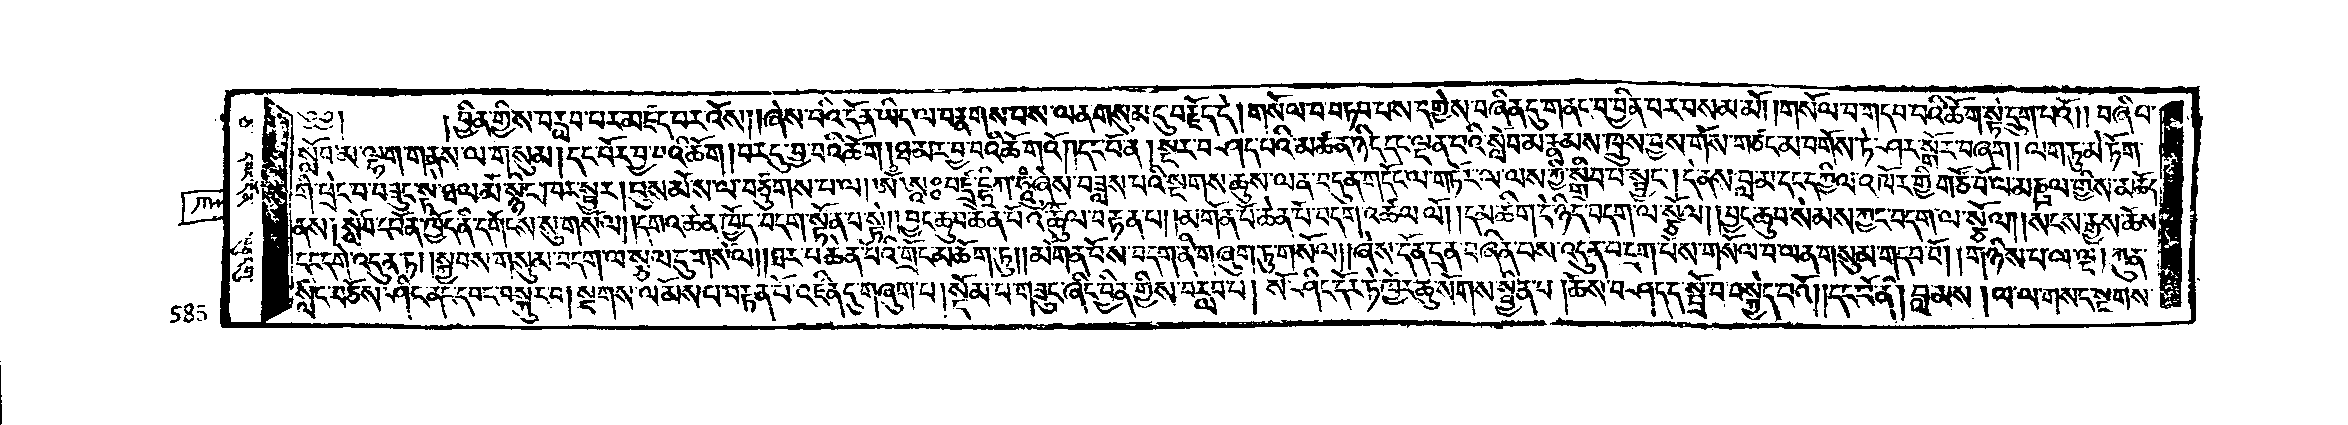༄༅། །བྱིན་གྱིས་བརླབ་པར་མཛད་པར་འོས། །ཞེས་པའི་དོན་ཡིད་ལ་བརྣགས་པས་ལན་གསུམ་དུ་བརྗོད་དེ། གསོལ་བ་བཏབ་པས་དགྱེས་བཞིན་དུ་གནང་བ་བྱིན་པར་བསམ་མོ། །གསོལ་བ་གདབ་པའི་ཆོ་ག་སྟེ་དྲུག་པའོ། །བཞི་པ་
སློབ་མ་ལྷག་གནས་ལ་གསུམ། དང་པོར་བྱ་བའི་ཆོ་ག །བར་དུ་བྱ་བའི་ཆོ་ག །ཐ་མར་བྱ་བའི་ཆོ་གའོ། །དང་པོ་ནི། སྔར་བཤད་པའི་མཚན་ཉིད་དང་ལྡན་པའི་སློབ་མ་རྣམས་ཁྲུས་བྱས་གོས་གཙང་མ་བགོས་ཏེ་ཤར་སྒོར་བཞག །ལག་ཏུ་མེ་ཏོག་
གི་ཕྲེང་བ་བཟུང་སྟེ་ཐལ་མོ་སྙིང་ཁར་སྦྱར། པུས་མོ་ས་ལ་བཙུགས་པ་ལ། ཨོཾ་ཨཱཿ བཛྲ་དྷྲི་ཀ་ཧཱུཾ་ཞེས་བཟླས་པའི་སྔགས་ཆུས་ལན་བདུན་གདོང་ལ་གཏོར་ལ་ལས་ཀྱི་སྒྲིབ་པ་སྦྱང་། དེ་ནས་བླ་མ་དང་དཀྱིལ་འཁོར་གྱི་གཙོ་བོ་ལ་མཎྜལ་གྱིས་མཆོད་
ནས། སློབ་དཔོན་ཁྱོད་ནི་དགོངས་སུ་གསོལ། །དགའ་ཆེན་ཁྱོད་བདག་སྟོན་པ་སྟེ། །བྱང་ཆུབ་ཆེན་པོའི་ཚུལ་བརྟན་པ། །མགོན་པོ་ཆེན་པོ་བདག་འཚལ་ལོ། །དམ་ཚིག་དེ་ཉིད་བདག་ལ་སྩོལ། །བྱང་ཆུབ་སེམས་ཀྱང་བདག་ལ་སྩོལ། །སངས་རྒྱས་ཆོས་
དང་དགེ་འདུན་ཏེ། །སྐྱབས་གསུམ་བདག་ལ་སྩལ་དུ་གསོལ། །ཐར་པ་ཆེན་པོའི་གྲོང་མཆོག་ཏུ། །མགོན་པོས་བདག་ནི་གཞུག་ཏུ་གསོལ། །ཞེས་དོན་དྲན་བཞིན་པས་འདུན་པ་དྲག་པོས་གསོལ་བ་ལན་གསུམ་གདབ་བོ། །གཉིས་པ་ལ་ལྔ། ཀུན་
སློང་བཅོས་ཤིང་ནང་དབང་བསྐུར་བ། སྔགས་ལ་མོས་པ་བརྟན་པོ་འཛིན་དུ་གཞུག་པ། སྡོམ་པ་གཟུང་ཞིང་བྱིན་གྱིས་བརླབ་པ། སོ་ཤིང་དོར་ཏེ་ཁྱོར་ཆུ་སོགས་སྦྱིན་པ། ཆོས་བཤད་ད་སྤྲོ་བ་བསྐྱེད་པའོ། །དང་པོ་ནི། བླ་མས། ལ་ལ་གསང་སྔགས་